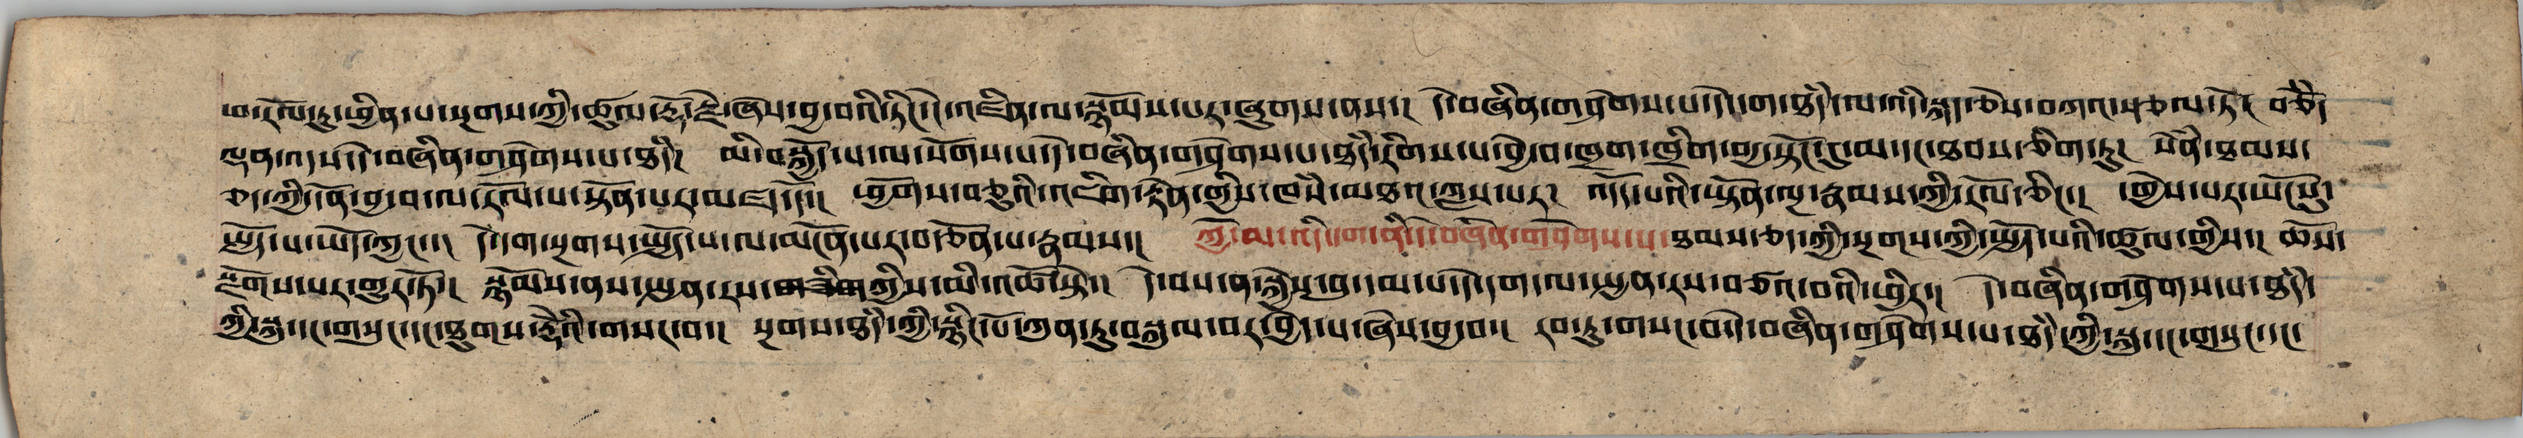ཕ་རོལ་ཏུ་ཕྱིན་པ་སྔགས་ཀྱི་ཚུལ་རྡོ་རྗེ་ཞེས་བྱ་བའི་ཏིང་ངེ་འཛིན་ལ་སྙོམས་པར་ཞུགས་ནས་། དེ་བཞིན་གཤེགས་པ་དེ་དག་ཐཾད་ལ་འདི་སྐད་ཅེས་བཀའ་སྩལ་ཏོ་། བཅོཾ་
ལྡན་འདས་དེ་བཞིན་གཤེགས་པ་ཐཾད། མི་བསྐྱོད་པ་ལ་སོགས་པ་དེ་བཞིན་གཤེགས་པ་ཐཾད་རིགས་པ་བྱེ་བ་ཁྲག་ཁྲིག་བདྱ་སྟོང་དུ་མ་དང་ཐབས་ཅིག་ཏུ། སེནཾ་ཐམས་
ཅད་ཀྱི་དོན་བྱ་བ་ལ་རོལ་པ་སྟོན་པར་མཛད་དོ་། ཕྱོགས་བཅུའི་འཇིག་རྟེན་གྱིས་ཁཾས་མཐའ་ཀླས་པར། འདོད་པའི་ཡྟོན་ལྔ་རྣམས་ཀྱི་རོལ་ཅིང་། དགྱེས་པར་ཡོངསུ་
སྤྱོད་པ་ཡོད་ཀྱང་་། དེ་དག་སྔགས་སྤྱོད་པ་ལ་མངོན་པར་བརྩོན་པ་རྣམས་། ཀྱེ་མ་འདི་དག་ནི་དེ་བཞིན་གཤེགས་པ་ཐམས་ཅད་ཀྱི་སྔགས་ཀྱི་སྤྱོད་པའི་ཚུལ་གྱིས་། ཆོས་
སྫོགས་པར་གྱུར་ཏོ་། སྙོམས་ནས་སྤྱན་རས་གཟིགཀྱིས་མི་འཚོ་སྟེ་། དེ་བས་ན་སྐྱེས་བུ་དམ་པ་དེ་དག་ལ་སྤྱན་རས་བཙའ་བའི་ཕྱིར་། དེ་བཞིན་གཤེགས་པ་ཐཾད་
ཀྱི་སྐུ་དང་གསུང་དང་ཐུགས་རྡོེའི་གསང་བ་། སྔགས་ཐཾད་ཀྱི་སྙིང་པོ་ཀུན་ཏུ་བསྐུལ་བར་བྱེད་པ་ཞེས་བྱ་བ་། རབ་ཏུ་གསང་བ་དེ་བཞིན་གཤེགས་པ་ཐཾད་ཀྱི་སྐུ་དང་གསུང་དང་